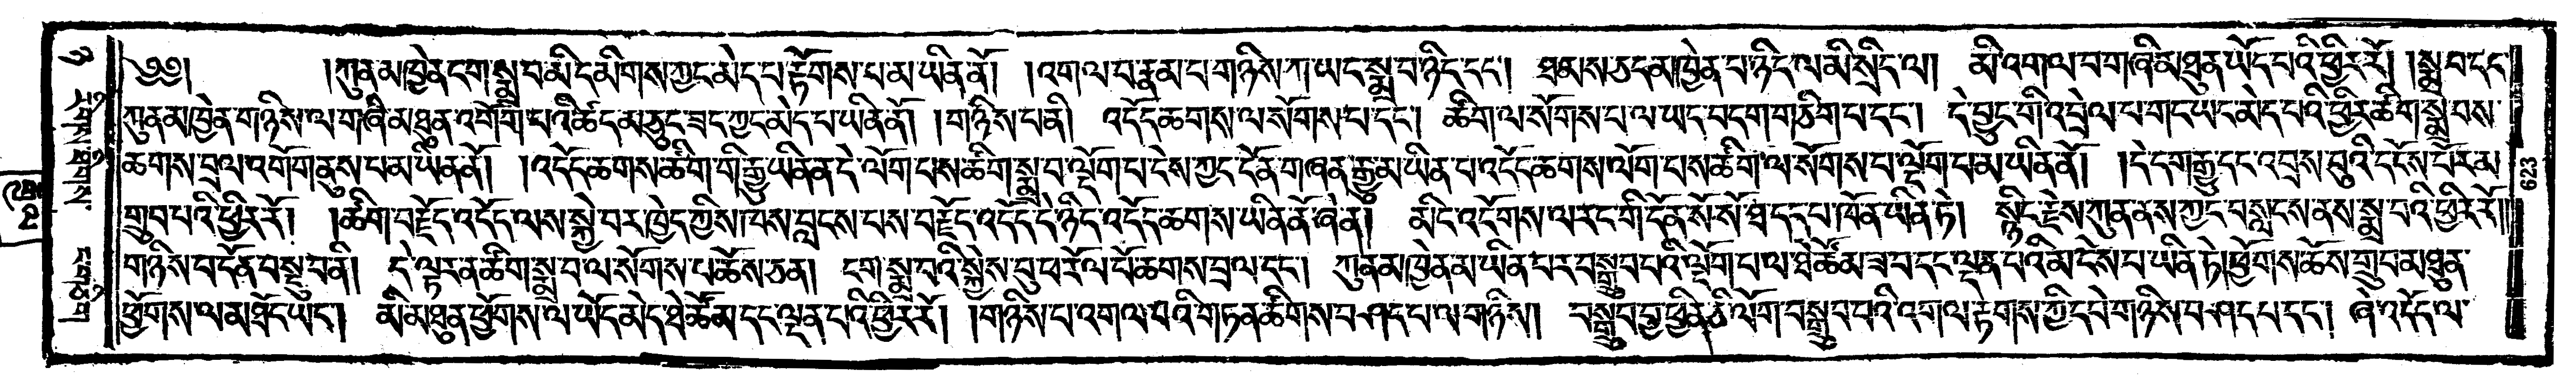༄༅། །ཀུན་མཁྱེན་དག་སྨྲ་བ་མི་དམིགས་ཀྱང་མེད་པ་རྟོགས་པ་མ་ཡིན་ནོ། །འགལ་བ་རྣམ་པ་གཉིས་ཀ་ཡང་སྨྲ་བ་ཉིད་དང་། ཐམས་ཅད་མཁྱེན་པ་ཉིད་ལ་མི་སྲིད་ལ། མི་འགལ་བ་གཞི་མཐུན་ཡོད་པའི་ཕྱིར་རོ། །སྨྲ་བ་དང་
ཀུན་མཁྱེན་གཉིས་ལ་གཞི་མཐུན་འགོག་པའི་ཚད་མ་ཅུང་ཟད་ཀྱང་མེད་པ་ཡིན་ནོ། །གཉིས་པ་ནི། འདོད་ཆགས་ལ་སོགས་པ་དང་། ཚིག་ལ་སོགས་པ་ལ་ཡང་བདག་གཅིག་པ་དང་། དེ་བྱུང་གི་འབྲེལ་པ་གང་ཡང་མེད་པའི་ཕྱིར་ཚིག་སྨྲ་བས་
ཆགས་བྲལ་འགོག་ནུས་པ་མ་ཡིན་ནོ། །འདོད་ཆགས་ཚིག་གི་རྒྱུ་ཡིན་ན་དེ་ལོག་པས་ཚིག་སྨྲ་བ་ལྡོག་པ་ངེས་ཀྱང་དོན་གཞན་རྒྱུ་མ་ཡིན་པ་འདོད་ཆགས་ལོག་པས་ཚིག་ལ་སོགས་པ་ལྡོག་པ་མ་ཡིན་ནོ། །དེ་དག་རྒྱུ་དང་འབྲས་བུའི་དངོས་པོར་མ་
གྲུབ་པའི་ཕྱིར་རོ། །ཚིག་བརྗོད་འདོད་ལས་སྐྱེ་བར་ཁྱེད་ཀྱིས་ཁས་བླངས་པས་བརྗོད་འདོད་དེ་ཉིད་འདོད་ཆགས་ཡིན་ནོ་ཞེ་ན། མིང་འདོགས་ལ་རང་གི་དོན་སོ་སོ་ཐ་དད་པ་ཁོ་ན་ཡིན་ཏེ། སྙིང་རྗེས་ཀུན་ནས་ཀྱང་བསླངས་ནས་སྨྲ་བའི་ཕྱིར་རོ།།
གཉིས་པ་དོན་བསྡུ་བ་ནི། དེ་ལྟར་ན་ཚིག་སྨྲ་བ་ལ་སོགས་པ་ཆོས་ཅན། དག་སྨྲ་བའི་སྐྱེས་བུ་ཕ་རོལ་པོ་ཆགས་བྲལ་དང་། ཀུན་མཁྱེན་མ་ཡིན་པར་བསྒྲུབ་པའི་ལྡོག་པ་ལ་ཐེ་ཚོམ་ཟ་བ་དང་ལྡན་པའི་མ་ངེས་པ་ཡིན་ཏེ་ཕྱོགས་ཆོས་གྲུབ་མཐུན་
ཕྱོགས་ལ་མཐོང་ཡང་། མི་མཐུན་ཕྱོགས་ལ་ཡོད་མེད་ཐེ་ཚོམ་དང་ལྡན་པའི་ཕྱིར་རོ། །གཉིས་པ་འགལ་བའི་གཏན་ཚིགས་བཤད་པ་ལ་གཉིས། བསྒྲུབ་བྱ་ཕྱིན་ཅི་ལོག་བསྒྲུབ་པའི་འགལ་རྟགས་ཀྱི་དཔེ་གཉིས་བཤད་པ་དང་། ཞེ་འདོད་ལ་